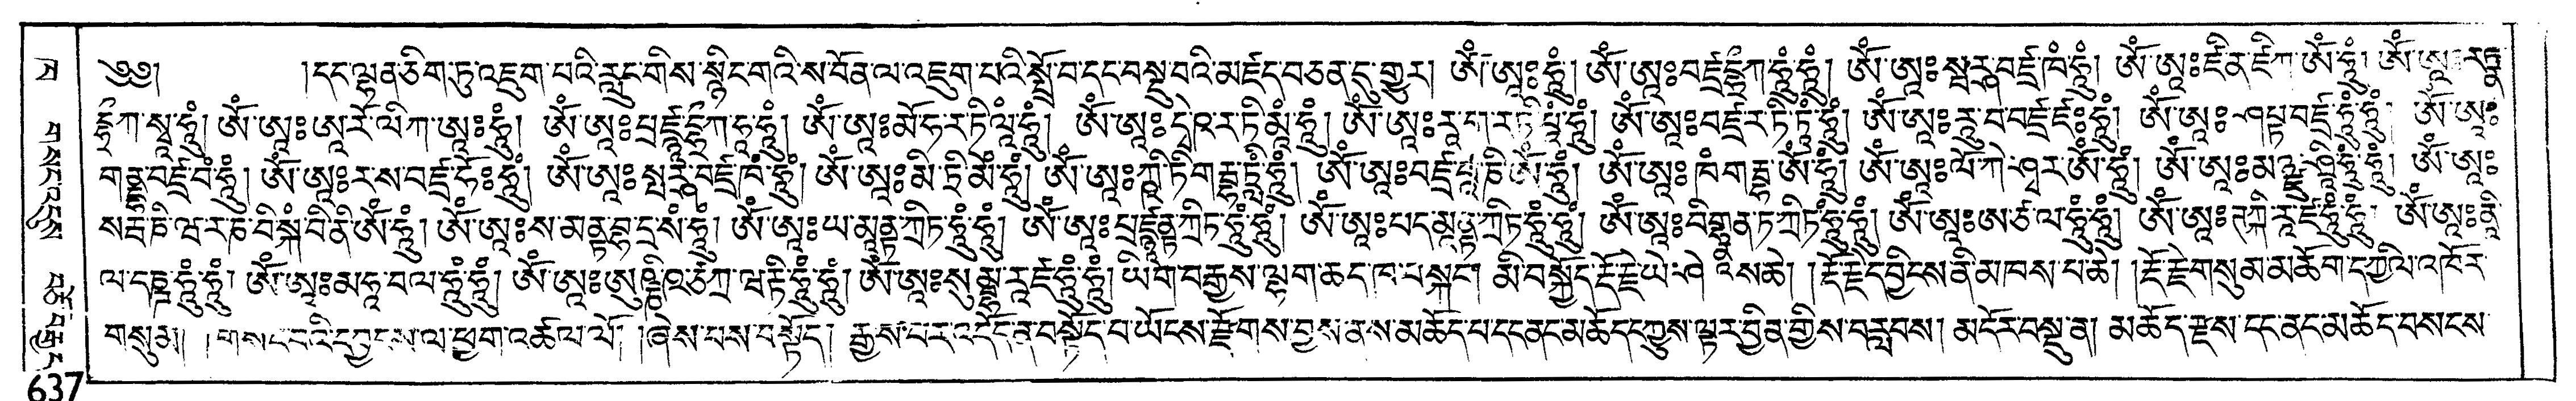༄༅། །དང་ལྷན་ཅིག་ཏུ་འཇུག་པའི་རླུང་གིས་སྙིང་གའི་ས་བོན་ལ་འཇུག་པའི་སྤྲོ་བ་དང་བསྡུ་བའི་མཛད་བཅན་དུ་གྱུར། ཨོཾ་ཨཱཿ ཧཱུཾ། ཨོཾ་ཨཱཿ བཛྲ་དྷྲྀཀ་ཧཱུཾ་ཧཱུཾ། ཨོཾ་ཨཱཿ སྦརྴ་བཛྲ་ཁཾ་ཧཱུཾ། ཨོཾ་ཨཱཿ ཛི་ན་ཛིཀ་ཨོཾ་ཧཱུཾ། ཨོཾ་ཨཱཿ རཏྣ་
དྷྲྀཀ་སྭཱ་ཧཱུཾ། ཨོཾ་ཨཱཿ ཨཱ་རོ་ལི་ཀ་ཨཱཿ ཧཱུཾ། ཨོཾ་ཨཱཿ པྲཛྙཱ་དྷྲྀཀ་ཧཱ་ཧཱུཾ། ཨོཾ་ཨཱཿ མོ་ཧ་ར་ཏི་ལཱཾ་ཧཱུཾ། ཨོཾ་ཨཱཿ དྭེ་ཥ་ར་ཏི་མཱཾ་ཧཱུཾ། ཨོཾ་ཨཱཿ རཱ་ག་རཏི་པཱཾ་ཧཱུཾ། ཨོཾ་ཨཱཿ བཛྲ་ར་ཏི་ཏཱཾ་ཧཱུཾ། ཨོཾ་ཨཱཿ རཱུ་བ་བཛྲ་ཛཿ ཧཱུཾ། ཨོཾ་ཨཱཿ ཤཔྟ་བཛྲ་ཧཱུཾ་ཧཱུཾ། ཨོཾ་ཨཱཿ
གནྡྷ་བཛྲ་བཾ་ཧཱུཾ། ཨོཾ་ཨཱཿ ར་ས་བཛྲ་ཧོཿ ཧཱུཾ། ཨོཾ་ཨཱཿ སྤརྴ་བཛྲ་ཁཾ་ཧཱུཾ། ཨོཾ་ཨཱཿ མི་ཏྲི་མེཾ་ཧཱུཾ། ཨོཾ་ཨཱཿ ཀྵི་ཏི་གརྦྷ་ཏྲླཾ་ཧཱུཾ། ཨོཾ་ཨཱཿ བཛྲ་པཱ་ཎི་ཨོཾ་ཧཱུཾ། ཨོཾ་ཨཱཿ ཁཾ་གརྦྷ་ཨོཾ་ཧཱུཾ། ཨོཾ་ཨཱཿ ལོ་ཀེ་ཤྭར་ཨོཾ་ཧཱུཾ། ཨོཾ་ཨཱཿ མཉྫུ་ཤྲཱི་ཧཱུཾ་ཧཱུཾ། ཨོཾ་ཨཱཿ
སརྦ་ཎི་ཝ་ར་ཎ་བི་སྐཾ་བི་ནི་ཨོཾ་ཧཱུཾ། ཨོཾ་ཨཱཿ ས་མནྟ་བྷ་དྲ་སཾ་ཧཱུཾ། ཨོཾ་ཨཱཿ ཡ་མཱནྟ་ཀྲིཏ་ཧཱུཾ་ཧཱུཾ། ཨོཾ་ཨཱཿ པྲཛྙཱནྟ་ཀྲིཏ་ཧཱུཾ་ཧཱུཾ། ཨོཾ་ཨཱཿ པད་མཱནྟ་ཀྲིཏ་ཧཱུཾ་ཧཱུཾ། ཨོཾ་ཨཱཿ བིགྷྣན་ཏ་ཀྲིཏ་ཧཱུཾ་ཧཱུཾ། ཨོཾ་ཨཱཿ ཨ་ཙ་ལ་ཧཱུཾ་ཧཱུཾ། ཨོཾ་ཨཱཿ ཊཀྐི་རཱ་ཛ་ཧཱུཾ་ཧཱུཾ། ཨོཾ་ཨཱཿ ནཱི་
ལ་དཎྜ་ཧཱུཾ་ཧཱུཾ། ཨོཾ་ཨཱཿ མཧཱ་བལ་ཧཱུཾ་ཧཱུཾ། ཨོཾ་ཨཱཿ ཨུཥྣི་ཥ་ཙཀྲ་ཝ་རྟི་ཧཱུཾ་ཧཱུཾ། ཨོཾ་ཨཱཿ སུམྦྷ་རཱ་ཛ་ཧཱུཾ་ཧཱུཾ། ཡིག་བརྒྱས་ལྷག་ཆད་ཁ་བསྐང་། མི་བསྐྱོད་རྡོ་རྗེ་ཡེ་ཤེས་ཆེ། །རྡོ་རྗེ་དབྱིངས་ནི་མཁས་པ་ཆེ། །རྡོ་རྗེ་གསུམ་མཆོག་དཀྱིལ་འཁོར་
གསུམ། །གསང་བའི་དབྱངས་ལ་ཕྱག་འཚལ་ལོ། །ཞེས་པས་བསྟོད། རྒྱས་པར་འདོད་ན་བསྟོད་པ་ཡོངས་རྫོགས་བྱས་ནས་མཆོད་པ་དང་ནང་མཆོད་དཀྱུས་ལྟར་བྱིན་གྱིས་བརླབས། མདོར་བསྡུ་ན། མཆོད་རྫས་དང་ནང་མཆོད་བསངས་